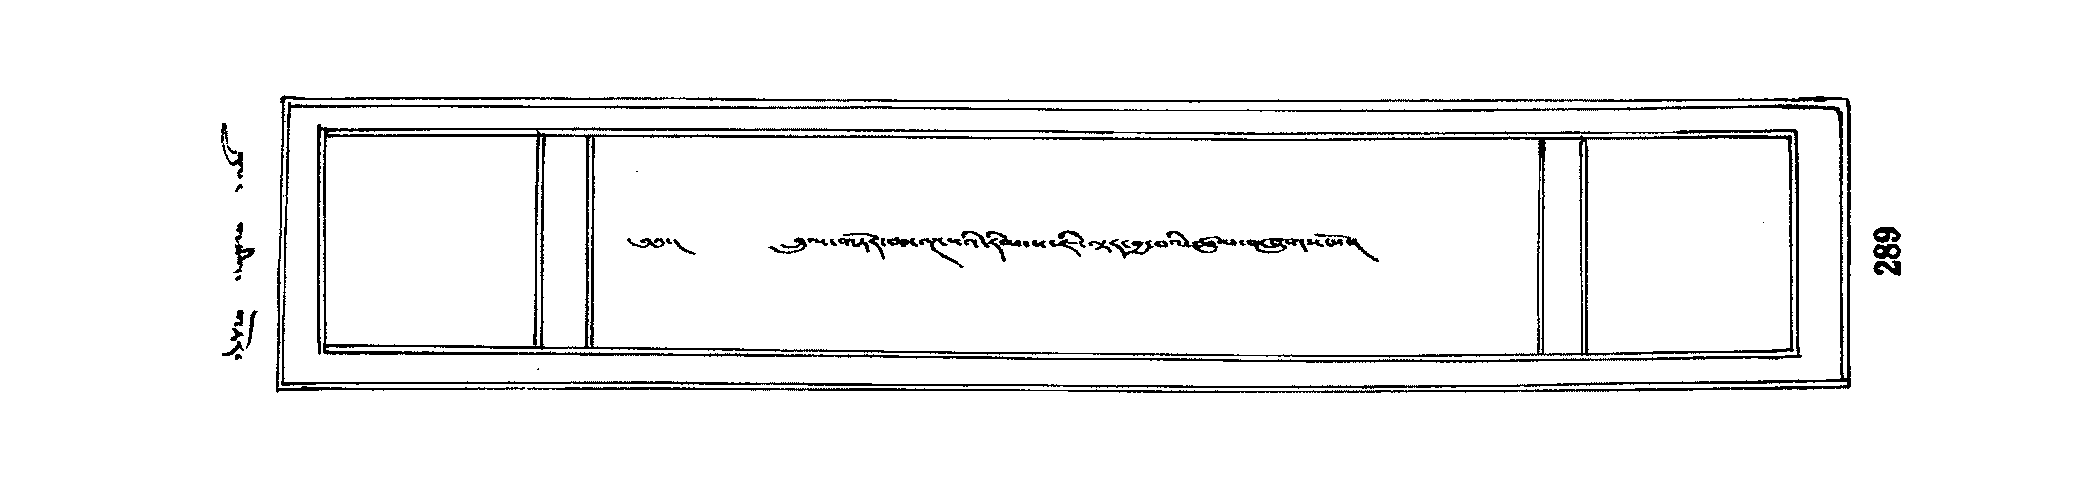༄༅། སྦྲུལ་གཏོར་ཆ་ལྔ་པའི་རིམ་པ་ཇི་ལྟར་བྱ་བའི་ཚུལ་བཞུགས་སོ།